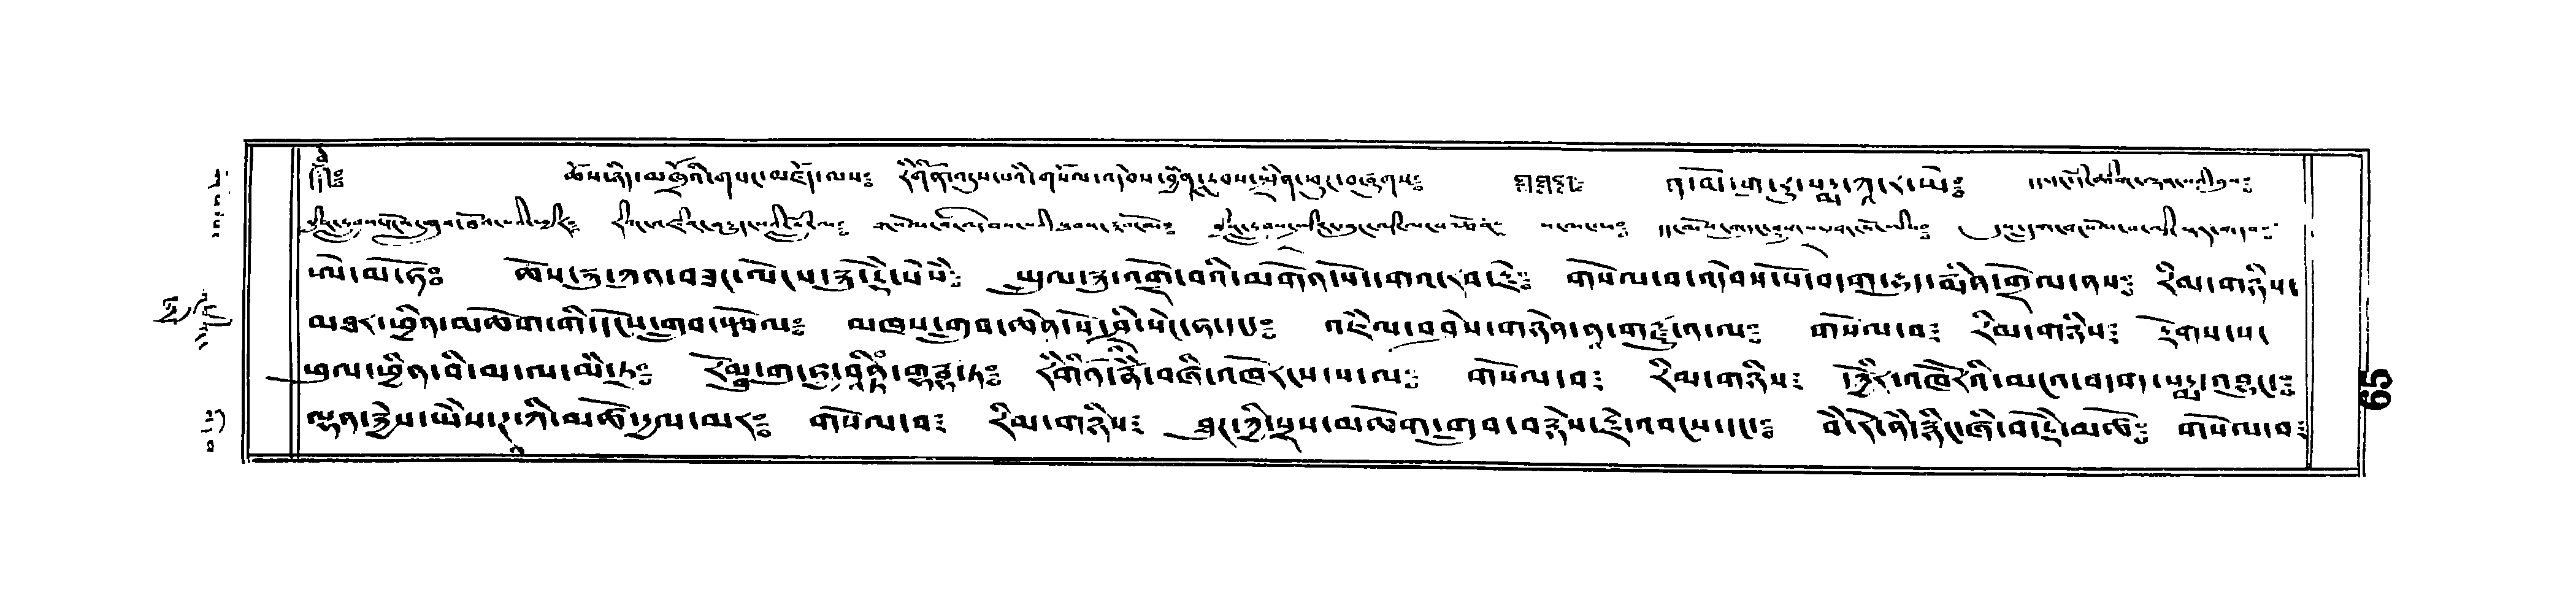ཆོས་ཉིད་མཁའ་འགྲོའི་གསང་མཛོད་ལས༔ རིག་འཛིན་འདུས་པའི་གསོལ་འདེབས་བྱིན་རླབས་སྤྲིན་ཕུང་བཞུགས༔ ན་མོ་གུ་རུ་པདྨ་ཀཱ་ར་ཡེ༔ དད་དང་དམ་ཚིག་ལྡན་པའི་བུས༔ 
བྱིན་རླབས་དངོས་གྲུབ་འཐོབ་པའི་ཕྱིར༔ རིག་འཛིན་བརྒྱུད་པའི་བླ་མ་ལ༔ གསོལ་བ་འདེབས་པའི་ཐབས་ཟབ་མོ༔ བྱིན་རླབས་སྤྲིན་ཕུང་འདི་ལ་བརྩོན༔ ས་མ་ཡ༔ དད་མོས་གདུང་ཤུགས་དྲག་པོ་ཡིས༔ དུས་དྲུག་གསོལ་བ་འདི་ལྟར་གདབ༔ 
ཨེ་མ་ཧོཿ ཆོས་སྐུ་ཀུན་བཟང་ལོངས་སྐུ་རྡོ་རྗེ་སེམས༔ སྤྲུལ་སྐུ་འགྲོ་བའི་མགོན་པོ་དགའ་རབ་རྗེ༔ གསོལ་བ་འདེབས་སོ་བདག་རྒྱུད་སྨིན་གྲོལ་ནས༔ རིམ་གཉིས་
མཐར་ཕྱིན་མཆོག་གི་དངོས་གྲུབ་སྩོལ༔ མཁས་གྲུབ་ཆེན་པོ་ཤྲཱི་སེང་ཧ་དང༔ འཇམ་དཔལ་བཤེས་གཉེན་ནཱ་གརྫུ་ན་ལ༔ གསོལ་བ༴ རིམ་གཉིས༴ རྟོགས་པ་
ཕུལ་ཕྱིན་བཱི་མ་ལ་མི་ཏྲ༔ རོམྦུ་གུ་ཧྱ་ཤཱིནྟཾ་གྷརྦྷ་ཏ༔ རིག་འཛིན་རྣམ་བཞི་འཁོར་དང་བཅས་པ་ལཿ གསོལ་བ༴ རིམ་གཉིས༴ དཀྱིལ་འཁོར་འཁོར་ལོའི་མངའ་བདག་པདྨ་འབྱུང༔ 
ལྷན་སྐྱེས་ཡེ་ཤེས་ཌཱ་ཀི་མཚོ་རྒྱལ་མར༔ གསོལ་བ༴ རིམ་གཉིས༴ ཐུགས་ཀྱི་སྲས་མཆོག་གྲུབ་བརྙེས་རྗེ་འབངས་དང༔ བཻ་རོ་ནམ་སྙིང་ཞི་བ་རྡོ་རྗེ་མཚོ༔ གསོལ་བ༴